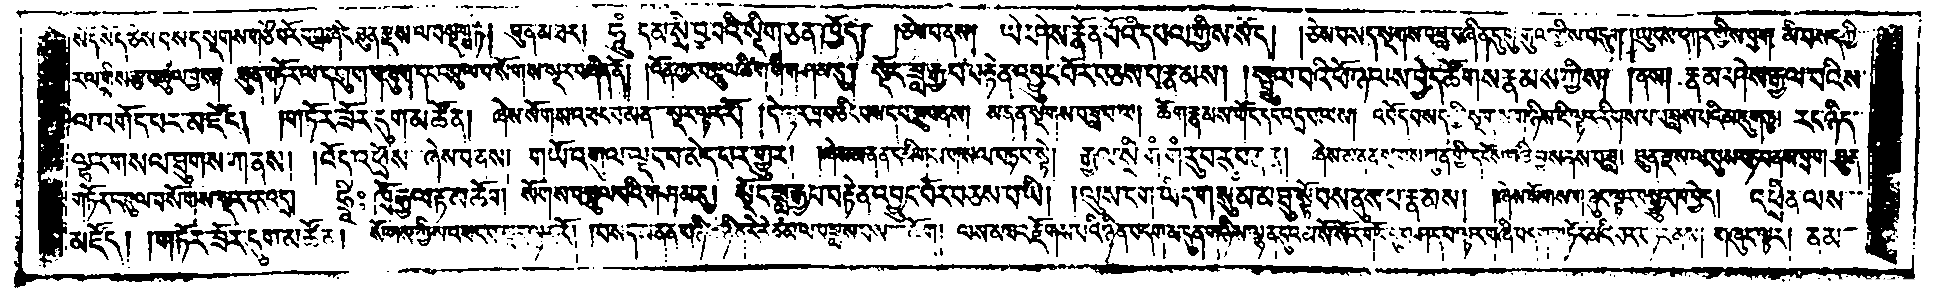སོད་སོད་ཅེས་བསད་སྔགས་གཙོ་བོར་བཟླ་ཞིང་ཐུན་རྫས་ལ་བསྔགས་ཏེ། ཐུན་མཐར། ཧཱུཾ་དམ་སྲི་བྱ་བའི་སྡིག་ཅན་ཁྱོད། །ཅེས་པ་ནས།  ཡེ་ཤེས་རྣོན་པོའི་དཔལ་གྱིས་སོད། །ཅེས་བསད་སྔགས་བཟླ་བཞིན་དུ་གུ་གུལ་གྱིས་བདུག །ཡུངས་དཀར་གྱིས་བྲག་མི་བསད་ཀྱི་
རལ་གྲིས་རྩ་བ་ཚུལ་བྱས། ཐུན་གཏོར་ལ་དགུག་གཞུག་དང་འབུལ་བ་སོགས་སྔར་བཞིན་ནོ། །འོན་ཀྱང་བསྐུལ་ཚིག་གི་གཤམ་དུ། སྡོང་ཟླ་རྒྱབ་བརྟེན་འབྱུང་བོར་བཅས་པ་རྣམས། །སྤྲུལ་བའི་ཕོ་ཉ་ལས་བྱེད་ཚོགས་རྣམས་ཀྱིས། །ནས།  རྣམ་ཤེས་རྒྱལ་བའི་ས་
ལ་འགོད་པར་མཛོད། །གཏོར་ཟོར་དུག་མཚོན། ཞེས་སོགས་འཕང་བ་མན་སྔར་ལྟར་རོ། །དེ་ལྟར་བྲབ་ཅིང་བསད་པ་གྲུབ་ནས། མནན་སྔགས་བཟླ་བ་ལ། ཆོ་ག་རྣམས་གོང་དང་འདྲ་བ་ལས། འབོད་བསད་ཀྱི་སྔགས་གཉིས་ཇི་ལྟར་རིགས་པ་བཟླས་པའི་མཇུག་ཏུ།  རང་ཉིད་
ལྷར་གསལ་ཐུགས་ཀ་ནས། །འོད་འཕྲོས་ཞེས་པ་ནས།  གཡོ་འགུལ་ལྡང་བ་མེད་པར་གྱུར། །ཞེས་མནན་དམིགས་གསལ་བཏབ་སྟེ།  རྒྱལ་སྲི་གཾ་གཾ་རུབ་རུབ་ནན། ཞེས་མནན་སྔགས་ཀུན་གྱི་དངོས་གཞི་བྱས་ནས་བཟླ། ཐུན་རྫས་ལ་ཕུས་བཏབ་ནས་བྲབ། ཐུན་
གཏོར་འབུལ་བསོགས་སྔར་དང་འདྲ། ཧྲཱིཿ ཁྲོ་རྒྱལ་རྟ་མཆོག་སོགས་བསྐུལ་བའི་གཤམ་དུ།  སྡོང་ཟླ་རྒྱབ་བརྟེན་འབྱུང་བོར་བཅས་པ་ཡི། །ལུས་ངག་ཡིད་གསུམ་མཐུ་སྟོབས་ནུས་པ་རྣམས། །ཞེས་སོགས་གཞུང་ལྟར་བསྒྱུར་ཁ་བྱེད།  འཕྲིན་ལས་
མཛོད། །གཏོར་ཟོར་དུག་མཚོན། སོགས་ཀྱིས་འཕང་བ་སྔར་ལྟར་རོ། །བསད་མནན་གཉིས་ཉིན་རེ་རེ་ཙམ་ལ་བཟླས་པས་ཆོག །ལས་མཐའ་རྫོགས་པའི་ཉིན་བདག་མདུན་གཉིས་ལྷན་དུའམ་སོ་སོར་གོང་དུ་བཤད་པ་ལྟར་གཞི་བདག་གཏོར་མའི་བར་བཏང་ནས། གཞུང་ལྟར།  ནམ་